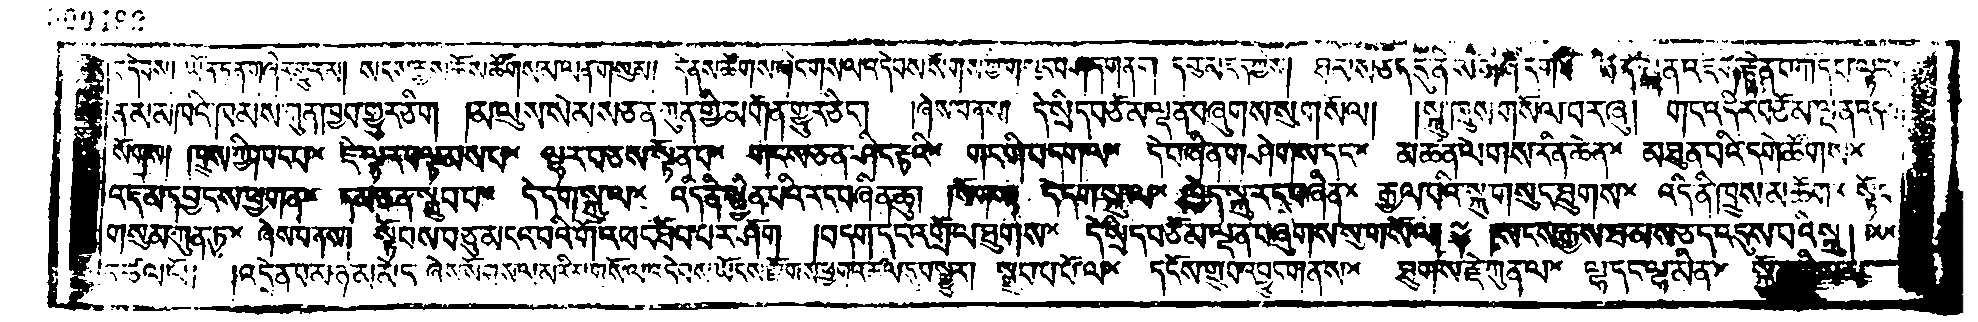འདེབས། ཡོན་ཏན་གཞིར་གྱུར་མ། སངས་རྒྱས་ཆོས་ཚོགས་མ་ལན་གསུམ། དེ་ནས་ཚོགས་ཞིང་གསལ་འདེབས་སོགས་ཀྱི་གསུང་བཤད་གནང་། དབུ་མཛད་ཀྱིས། ཐམས་ཅད་དུ་ནི་ས་གཞི་དག྾་བདེ་ལྡན་འཇིག་རྟེན་བཀོད་པ་ལྟར་྾་
ནམ་མཁའི་ཁམས་ཀུན་ཁྱབ་གྱུར་ཅིག །མ་ལུས་སེམས་ཅན་ཀུན་གྱི་མགོན་གྱུར་ཅིང་། །ཞེས་པ་ནས།  དེ་སྲིད་བཅོམ་ལྡན་བཞུགས་སུ་གསོལ། །སྐུ་ཁྲུས་གསོལ་བར་ཞུ། གང་འདིར་བཅོམ་ལྡན་འདས་
སོགས། ཁྲུས་ཀྱི་ཁང་པ྾་ཇི་ལྟར་བལྟམས་པ྾་ལྷར་བཅས་སྟོན་པ྾་གངས་ཅན་ཤིང་རྟའི྾་གང་གི་བདག་ལ྾་དེ་བཞིན་གཤེགས་དང྾་མཚན་ལེགས་རིན་ཆེན྾་མཐུན་པའི་དགེ་ཚོགས་྾་
འཇམ་དབྱངས་ཕྱག་ན྾་དམ་ཅན་སྒྲུབ་པ྾་དེ་དག་སྐུ་ལ྾་འདི་ནི་སྦྱིན་པའི་རང་བཞིན་ཆུ། །སོགས། དེ་དག་སྐུ་ལ྾་ཁྱེད་སྐུ་རང་བཞིན྾་རྒྱལ་བའི་སྐུ་གསུང་ཐུགས྾་འདི་ནི་ཁྲུས་མཆོག་྾་སྟོང་
གསུམ་ཀུན་ཏུ྾་ཞེས་པ་ནས།  སྟོབས་བཅུ་མངའ་བའི་གོ་འཕང་ཐོབ་པར་ཤོག །བདག་དང་འགྲོ་ལ་ཐུགས྾་དེ་སྲིད་བཅོམ་ལྡན་བཞུགས་སུ་གསོལ། ༈ །སངས་རྒྱས་ཐམས་ཅད་འདུས་པའི་སྐུ། །྾྾་
འཚལ་ལོ། །འདྲེན་པ་མཉམ་མེད་ཞེས་སོགས་ལམ་རིམ་གསོལ་འདེབས་ཡོངས་རྫོགས་ཕྱག་འཚལ་དུ་བསྒྱུར།  སྒྲུབ་པ་པོ་ལ྾་དངོས་གྲུབ་འབྱུང་གནས྾་ཐུགས་རྗེ་ཀུན་ལ྾་ལྷ་དང་ལྷ་མིན྾་སྐྱོན་གྱིས་མ་